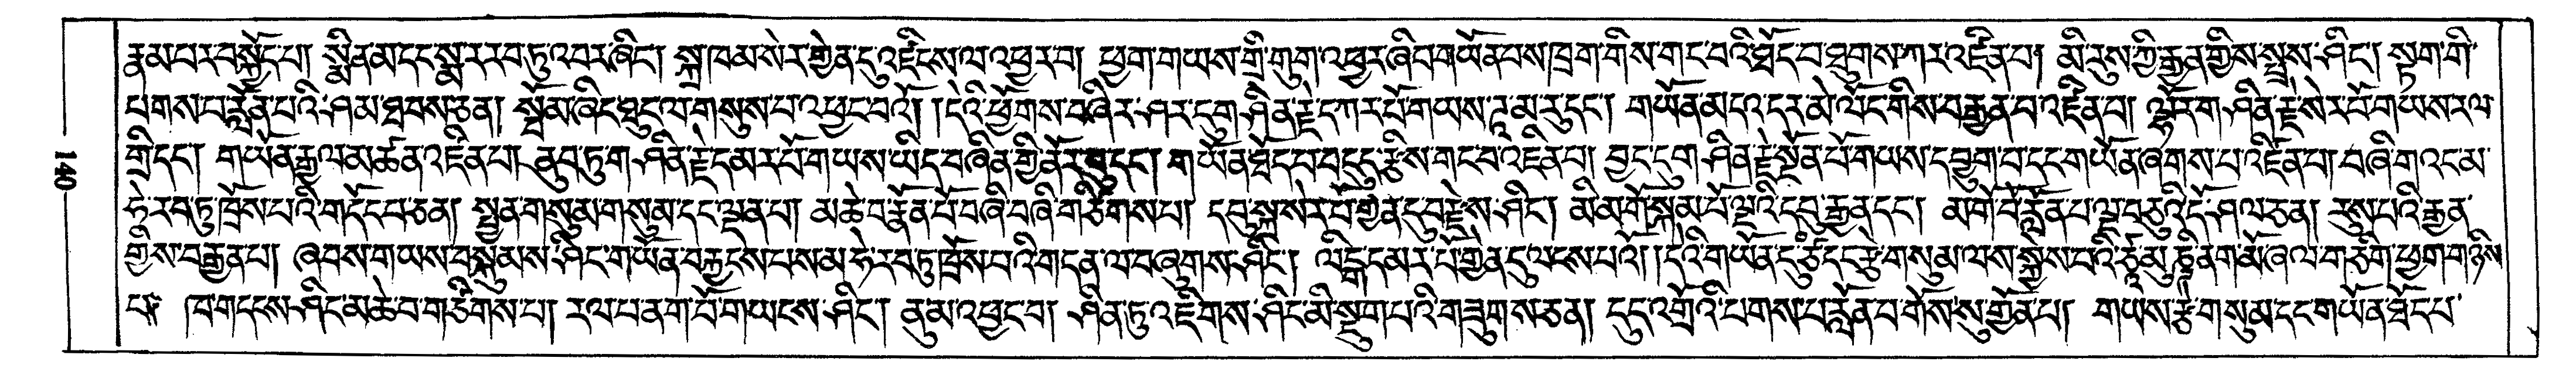རྣམ་པར་བསྐྱོད་པ། སྨིན་མ་དང་སྨར་རབ་ཏུ་འབར་ཞིང་། སྐྲ་ཁམ་སེར་གྱེན་དུ་འཛིངས་ལ་འཕྱར་བ། ཕྱག་གཡས་གྲི་གུག་འཕྱར་ཞིང་། གཡོན་པས་ཁྲག་གིས་གང་བའི་ཐོད་པ་ཐུགས་ཀར་འཛིན་པ། མི་རུས་ཀྱི་རྒྱན་གྱིས་སྦྲས་ཤིང་། སྟག་གི་
པགས་བ་རློན་པའི་ཤམ་ཐབས་ཅན། སྦོམ་ཞིང་ཐུང་ལ་གསུས་པ་འཕྱང་བའོ། །དེའི་ཕྱོགས་བཞིར་ཤར་དུ་གཤིན་དེ་དཀར་པོ་གཡས་ཌཱ་མ་རུ་དང་། གཡོན་མདའ་དར་མེ་ལོང་གིས་བརྒྱན་པ་འཛིན་པ། ལྷོར་གཤིན་རྗེ་སེར་པོ་གཡས་རལ་
གྲི་དང་། གཡོན་རྒྱལ་མཚན་འཛིན་པ། ནུབ་ཏུ་གཤིན་རྗེ་དམར་པོ་གཡས་ཡིད་བཞིན་གྱི་ནོར་བུ་དང་། གཡོན་ཐོད་པ་བདུད་རྩིས་གང་བ་འཛིན་པ། བྱང་དུ་གཤིན་རྗེ་སྔོན་པོ་གཡས་དབྱུག་པ་དང་གཡོན་ཞགས་པ་འཛིན་པ། བཞི་གའང་མ་
ཧེ་རབ་ཏུ་ཁྲོས་པའི་གདོང་བ་ཅན། སྤྱན་གསུམ་གསུམ་དང་ལྡན་པ། མཆེ་བ་རྣོན་པོ་བཞི་བཞི་གཙིགས་པ། དབུ་སྐྲ་སེར་པོ་གྱེན་དུ་བརྫེས་ཤིང་། མི་མགོ་སྐམ་པོ་ལྔའི་དབུ་རྒྱན་དང་། མགོ་བོ་རློན་པ་ལྔ་བཅུའི་དོ་ཤལ་ཅན། རུས་པའི་རྒྱན་
གྱིས་བརྒྱན་པ། ཞབས་གཡས་བསྐུམས་ཤིང་གཡོན་བརྐྱངས་པས་མ་ཧེ་རབ་ཏུ་ཁྲོས་པའི་གང་ན་ལ་བཞུགས་ཤིང་། ལིངྒ་དམར་པོ་གྱེན་དུ་ལངས་པའོ། །དེའི་གཡོན་དུ་ཙཾ་དང་རྩེ་གསུམ་ལས་སྐྱེས་པའི་ཙཱ་མ་ནྜི་ནག་མོ་ཞེལ་གཅིག་ཕྱག་གཉིས་
པ། ཁ་གདངས་ཤིང་མཆེ་བ་གཙིགས་པ། རལ་པ་ནག་པོ་གཡེངས་ཤིང་། ནུ་མ་འཕྱང་བ། ཤིན་ཏུ་འཇིགས་ཤིང་མི་སྡུག་པའི་གཟུགས་ཅན། དུད་འགྲོའི་པགས་པ་རློན་པ་གོས་སུ་གྱོན་པ། གཡས་རྩེ་གསུམ་དང་གཡོན་ཐོད་པ་